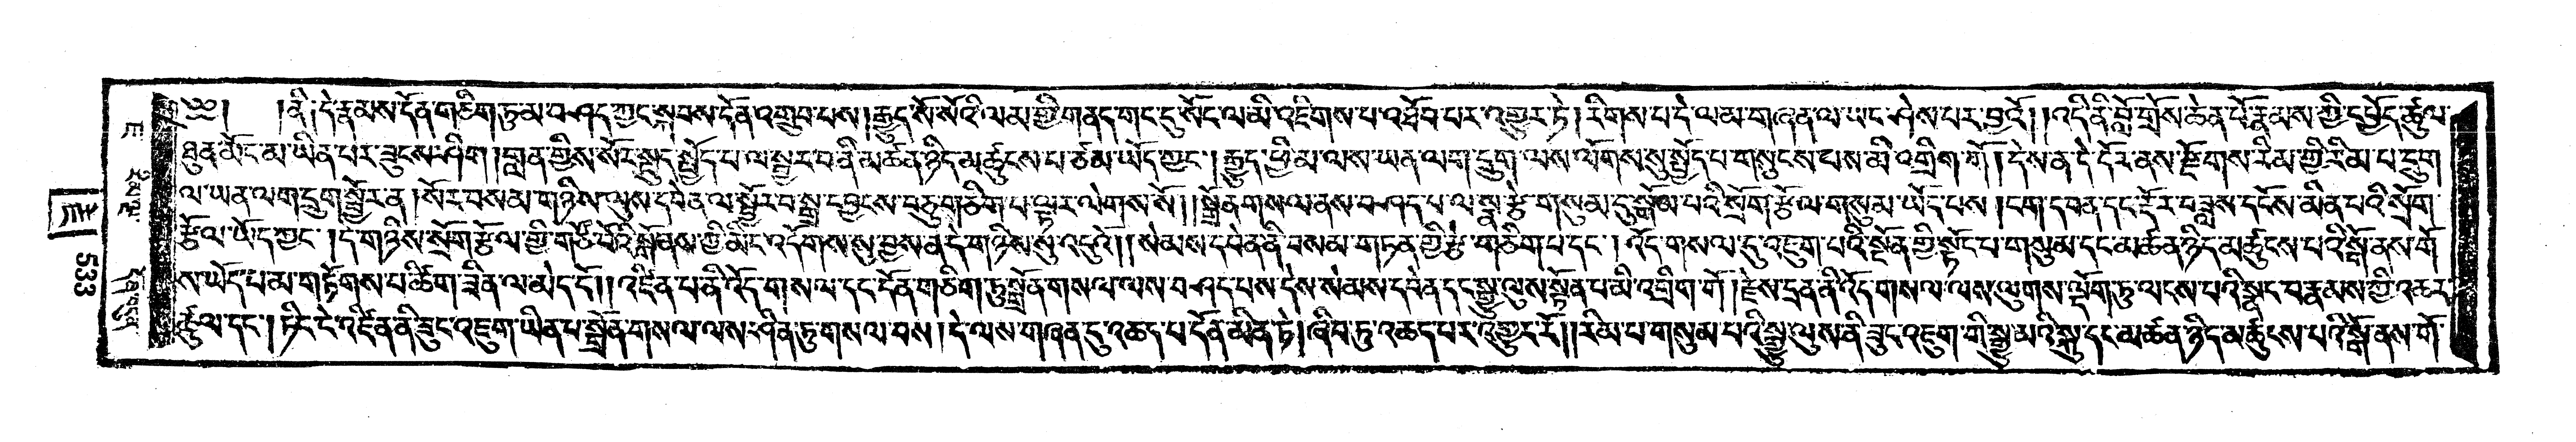༄༅། །ནི། དེ་རྣམས་དོན་གཅིག་ཏུ་མ་བཤད་ཀྱང་སྐབས་དོན་འགྲུབ་པས། རྒྱུད་སོ་སོའི་ལམ་གྱི་གནད་གང་དུ་སོང་ལ་མི་འཇིགས་པ་འཐོབ་པར་འགྱུར་ཏེ། རིགས་པ་དེ་ལམ་གཞན་ལ་ཡང་ཤེས་པར་བྱའོ། །འདི་ནི་བློ་གྲོས་ཆེན་པོ་རྣམས་ཀྱི་དཔྱོད་ཚུལ་
ཐུན་མོང་མ་ཡིན་པར་ཟུངས་ཤིག །གླན་གྱིས་སོར་སྡུད་སྤྱོད་པ་ལ་སྦྱར་བ་ནི་མཚན་ཉིད་མཚུངས་པ་ཙམ་ཡོད་ཀྱང་། རྒྱུད་ཕྱི་མ་ལས་ཡན་ལག་དྲུག་ལས་ལོགས་སུ་སྤྱོད་པ་གསུངས་པས་མི་འགྲིག་གོ །དེས་ན་དེ་དོར་ནས་རྫོགས་རིམ་གྱི་རིམ་པ་དྲུག་
ལ་ཡན་ལག་དྲུག་སྦྱོར་ན། སོར་བསམ་གཉིས་ལུས་དབེན་ལ་སྦྱོར་བ་སྒྲ་དབྱངས་བཅུ་གཅིག་པ་ལྟར་ལེགས་སོ། །སྒྲོན་གསལ་ནས་བཤད་པ་ལ་སྣ་རྩེ་གསུམ་དུ་སྒོམ་པའི་སྲོག་རྩོལ་གསུམ་ཡོད་པས། ངག་དབེན་དང་རྡོར་བཟླས་དངོས་མིན་པའི་སྲོག་
རྩོལ་ཡོད་ཀྱང་། དེ་གཉིས་སྲོག་རྩོལ་གྱི་གཙོ་བོའི་སྒོ་ནས་ཀྱི་མིང་འདོགས་སུ་བྱས་ན་དེ་གཉིས་སུ་འདུའོ། །སེམས་དབེན་ནི་བསམ་གཏན་གྱི་རྩེ་གཅིག་པ་དང་། འོད་གསལ་དུ་འཇུག་པའི་སྔོན་གྱི་སྟོང་པ་གསུམ་དང་མཚན་ཉིད་མཚུངས་པའི་སྒོ་ནས་གོ་
ས་ཡོད་པ་མ་གཏོགས་པ་ཚིག་ཟིན་ལ་མེད་དོ། །འཛིན་པ་ནི་འོད་གསལ་དང་དོན་གཅིག་ཏུ་སྒྲོན་གསལ་ལས་བཤད་པས་དེས་སེམས་དབེན་དང་སྒྱུ་ལུས་སྟོན་པ་མི་འགྲིག་གོ །རྗེས་དྲན་ནི་འོད་གསལ་ལས་ལུགས་ལྡོག་ཏུ་ལངས་པའི་སྣང་བ་རྣམས་ཀྱི་འཆར་
ཚུལ་དང་། ཏིང་ངེ་འཛིན་ནི་ཟུང་འཇུག་ཡིན་པ་སྒྲོན་གསལ་ལས་ཤིན་ཏུ་གསལ་བས། དེ་ལས་གཞན་དུ་འཆད་པ་དོན་མིན་ཏེ། ཞིབ་ཏུ་འཆད་པར་འགྱུར་རོ། །རིམ་པ་གསུམ་པའི་སྒྱུ་ལུས་ནི་ཟུང་འཇུག་གི་སྒྱུ་མའི་སྐུ་དང་མཚན་ཉིད་མཚུངས་པའི་སྒོ་ནས་གོ་